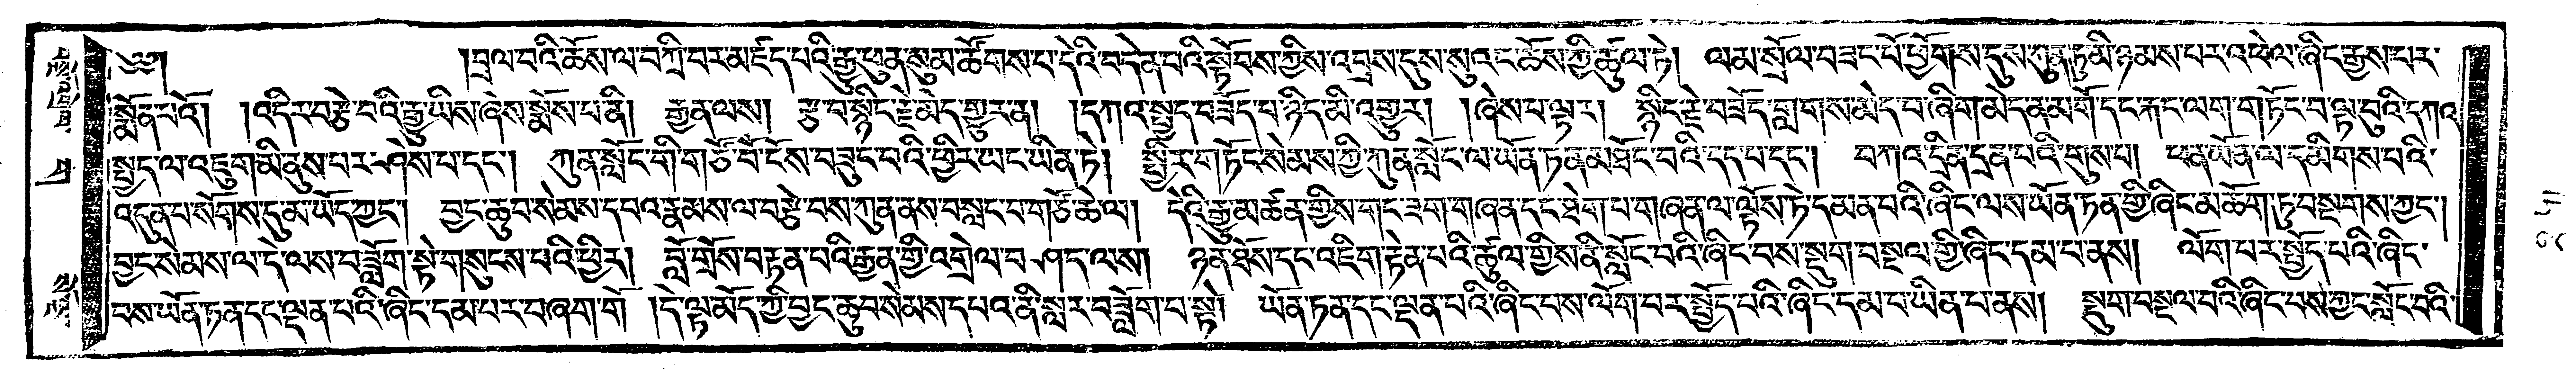༄༅། །བྲལ་བའི་ཆོས་ལ་བཀྲི་བར་མཛད་པའི་རྒྱུ་ཕུན་སུམ་ཚོགས་པ་དེའི་བདེན་པའི་སྟོབས་ཀྱིས་འབྲས་དུས་སུའང་ཆོས་ཀྱི་ཚུལ་ཏེ། ལམ་སྲོལ་བཟང་པོ་ཕྱོགས་དུས་ཀུན་ཏུ་མི་ཉམས་པར་འཕེལ་ཞིང་རྒྱས་པར་
སྨོན་པའོ། །འདིར་བརྩེ་བའི་རྒྱུ་ཡིས་ཞེས་སྨོས་པ་ནི། རྒྱན་ལས། རྩ་བ་སྙིང་རྗེ་མེད་གྱུར་ན། །དཀའ་སྤྱད་བཟོད་བ་ཉིད་མི་འགྱུར། །ཞེས་པ་ལྟར། སྙིང་རྗེ་བཟོད་གླགས་མེད་པ་ཞིག་མེད་ན་མགོ་དང་རྐང་ལག་གཏོང་ཕ་ལྟ་བུའི་དཀའ་
སྦྱང་ལ་འཇུག་མི་ནུས་པར་ཤེས་པ་དང་། ཀུན་སློང་གི་གཙོ་བོ་ངོས་བཟུང་བའི་ཕྱིར་ཡང་ཡིན་ཏེ། སྤྱིར་གཏོང་སེམས་ཀྱི་ཀུན་སློང་ལ་ཡོན་ཏན་མཐོང་པའི་དད་པ་དང་། བཀའ་དྲིན་དྲན་པའི་གུས་པ། ཕན་ཡོན་ལ་དམིགས་པའི་
འདུན་པ་སོགས་དུ་མ་ཡོད་ཀྱང་། བྱང་ཆུབ་སེམས་དཔའ་རྣམས་ལ་བརྩེ་བས་ཀུན་ནས་བསླང་བ་གཙོ་ཆེ་ལ། དེའི་རྒྱུ་མཚན་གྱིས་གང་ཟག་གཞན་དང་ཐེག་པ་གཞན་ལ་ལྟོས་ཏེ་དམན་པའི་ཞིང་ལས་ཡོན་ཏན་གྱི་ཞིང་མཆོག་ཏུ་བསྔགས་ཀྱང་།
བྱང་སེམས་ལ་དེ་ལས་བཟློག་སྟེ་གསུངས་པའི་ཕྱིར། བློ་གྲོས་བརྟན་བའི་རྒྱན་གྱི་འགྲེལ་བཤད་ལས། ཉན་ཐོས་དང་འཇིག་རྟེན་པའི་ཚུལ་གྱིས་ནི་སློང་བའི་ཞིང་བས་སྡུག་བསྔལ་གྱི་ཞིང་དམ་པ་ནས། ལོག་པར་སྤྱོད་པའི་ཞིང་
པས་ཡོན་ཏན་དང་ལྡན་པའི་ཞིང་དམ་པར་བཞག་གོ །དེ་ལྟ་མོད་ཀྱི་བྱང་ཆུབ་སེམས་དཔའ་ནི་སླར་བཟློག་པ་སྟེ། ཡོན་ཏན་དང་ལྡན་པའི་ཞིང་པས་ལོག་པར་སྤྱོད་པའི་ཞིང་དམ་པ་ཡིན་པ་ནས། སྡུག་བསྔལ་བའི་ཞིང་པས་ཀྱང་སློབ་བའི་